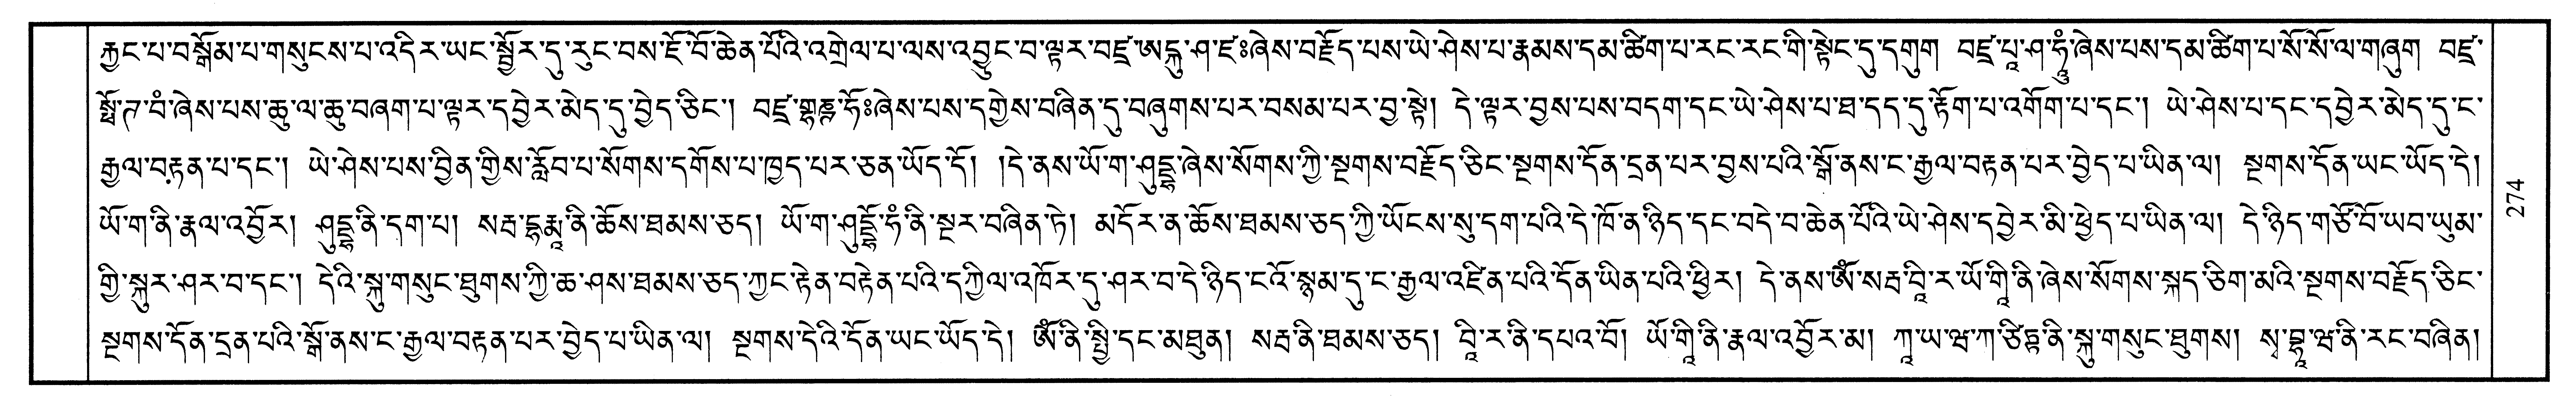རྐྱང་པ་བསྒོམ་པ་གསུངས་པ་འདིར་ཡང་སྦྱོར་དུ་རུང་བས་ཇོ་བོ་ཆེན་པོའི་འགྲེལ་པ་ལས་འབྱུང་བ་ལྟར་བཛྲ་ཨངྐུ་ཤ་ཛཿ ཞེས་བརྗོད་པས་ཡེ་ཤེས་པ་རྣམས་དམ་ཚིག་པ་རང་རང་གི་སྟེང་དུ་དགུག་བཛྲ་པཱ་ཤ་ཧཱུཾ་ཞེས་པས་དམ་ཚིག་པ་སོ་སོ་ལ་གཞུག་བཛྲ་
སྥོ་ཊ་བཾ་ཞེས་པས་ཆུ་ལ་ཆུ་བཞག་པ་ལྟར་དབྱེར་མེད་དུ་བྱེད་ཅིང་། བཛྲ་གྷཎྚ་ཧོཿ ཞེས་པས་དགྱེས་བཞིན་དུ་བཞུགས་པར་བསམ་པར་བྱ་སྟེ། དེ་ལྟར་བྱས་པས་བདག་དང་ཡེ་ཤེས་པ་ཐ་དད་དུ་རྟོག་པ་འགོག་པ་དང་། ཡེ་ཤེས་པ་དང་དབྱེར་མེད་དུ་ང་
རྒྱལ་བརྟན་པ་དང་། ཡེ་ཤེས་པས་བྱིན་གྱིས་རློབ་པ་སོགས་དགོས་པ་ཁྱད་པར་ཅན་ཡོད་དོ། །དེ་ནས་ཡོ་ག་ཤུདྡྷ་ཞེས་སོགས་ཀྱི་སྔགས་བརྗོད་ཅིང་སྔགས་དོན་དྲན་པར་བྱས་པའི་སྒོ་ནས་ང་རྒྱལ་བརྟན་པར་བྱེད་པ་ཡིན་ལ། སྔགས་དོན་ཡང་ཡོད་དེ།
ཡོ་ག་ནི་རྣལ་འབྱོར། ཤུདྡྷ་ནི་དག་པ། སརྦ་དྷརྨཱ་ནི་ཆོས་ཐམས་ཅད། ཡོ་ག་ཤུདྡྷོ་ཧཾ་ནི་སྔར་བཞིན་ཏེ། མདོར་ན་ཆོས་ཐམས་ཅད་ཀྱི་ཡོངས་སུ་དག་པའི་དེ་ཁོ་ན་ཉིད་དང་བདེ་བ་ཆེན་པོའི་ཡེ་ཤེས་དབྱེར་མི་ཕྱེད་པ་ཡིན་ལ། དེ་ཉིད་གཙོ་བོ་ཡབ་ཡུམ་
གྱི་སྐུར་ཤར་བ་དང་། དེའི་སྐུ་གསུང་ཐུགས་ཀྱི་ཆ་ཤས་ཐམས་ཅད་ཀྱང་རྟེན་བརྟེན་པའི་དཀྱིལ་འཁོར་དུ་ཤར་བ་དེ་ཉིད་ངའོ་སྙམ་དུ་ང་རྒྱལ་འཛིན་པའི་དོན་ཡིན་པའི་ཕྱིར། དེ་ནས་ཨོཾ་སརྦ་བཱི་ར་ཡོ་གཱི་ནི་ཞེས་སོགས་སྐད་ཅིག་མའི་སྔགས་བརྗོད་ཅིང་
སྔགས་དོན་དྲན་པའི་སྒོ་ནས་ང་རྒྱལ་བརྟན་པར་བྱེད་པ་ཡིན་ལ། སྔགས་དེའི་དོན་ཡང་ཡོད་དེ། ཨོཾ་ནི་སྤྱི་དང་མཐུན། སརྦ་ནི་ཐམས་ཅད། བཱི་ར་ནི་དཔའ་བོ། ཡོ་གཱི་ནི་རྣལ་འབྱོར་མ། ཀཱ་ཡ་ཝ་ཀ་ཙིཏྟ་ནི་སྐུ་གསུང་ཐུགས། སྭ་བྷཱ་ཝ་ནི་རང་བཞིན།